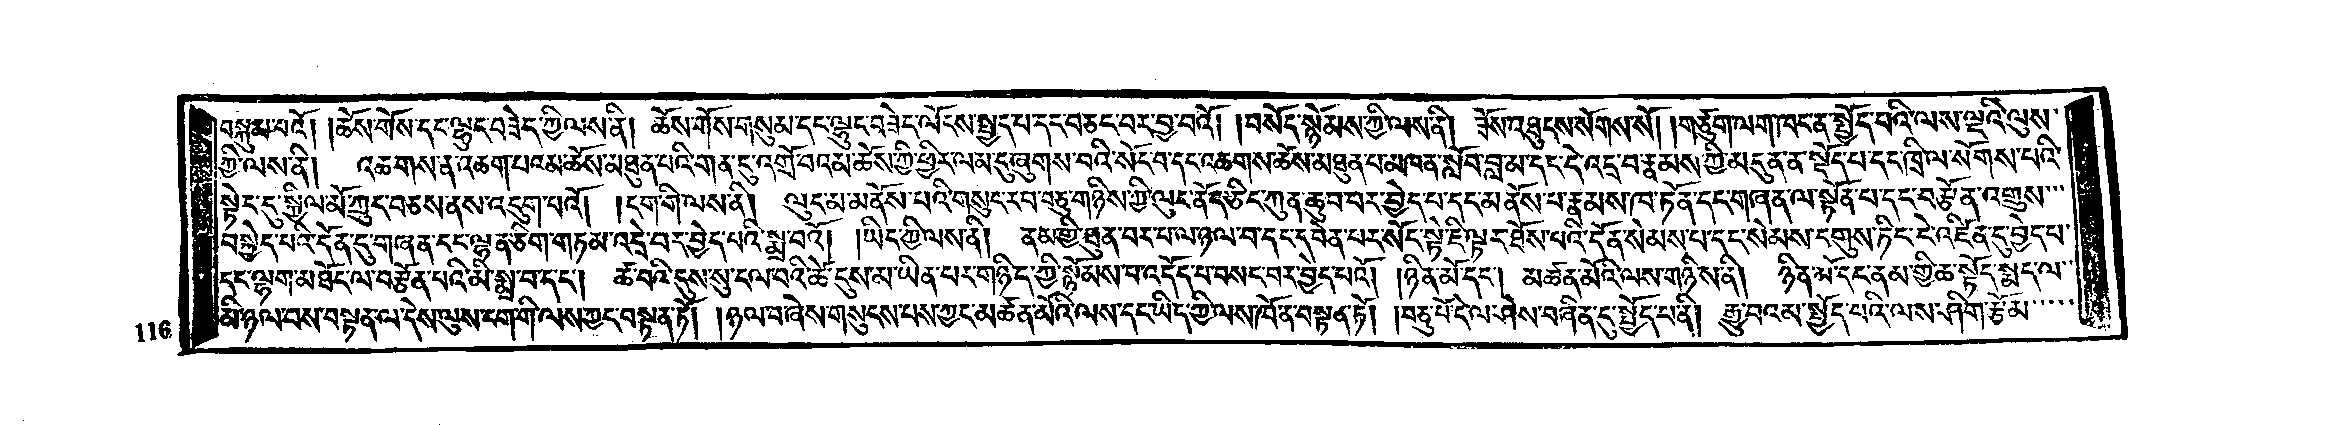བསྐུམ་པའོ། །ཆོས་གོས་དང་ལྷུང་བཟེད་ཀྱི་ལས་ནི། ཆོས་གོས་གསུམ་དང་ལྷུང་བཟེད་ལོངས་སྤྱད་པ་དང་བཅང་བར་བྱ་བའོ། །བསོད་སྙོམས་ཀྱི་ལས་ནི། ཟོས་འཐུངས་སོགས་སོ། །གཙུག་ལག་ཁང་ན་སྤྱོད་པའི་ལས་ལྔའི་ལུས་
ཀྱི་ལས་ནི། འཆགས་ན་འཆག་པའམ་ཆོས་མཐུན་པའི་གན་དུ་འགྲོ་བའམ་ཆོས་ཀྱི་ཕྱིར་ལམ་དུ་ཞུགས་པའི་སོང་བ་དང་འཆགས་ཆོས་མཐུན་པ་མཁན་སློབ་བླ་མ་དང་དེ་འདྲ་བ་རྣམས་ཀྱི་མདུན་ན་སྡོད་པ་དང་ཁྲི་ལ་སོགས་པའི་
སྟེང་དུ་སྐྱིལ་མོ་ཀྲུང་བཅས་ནས་འདུག་པའོ། །ངག་གི་ལས་ནི། ལུང་མ་མནོས་པའི་གསུང་རབ་བཅུ་གཉིས་ཀྱི་ལུང་ནོད་ཅིང་ཀུན་ཆུབ་པར་བྱེད་པ་དང་མནོས་པ་རྣམས་ཁ་ཏོན་དང་གཞན་ལ་སྟོན་པ་དང་བརྩོན་འགྲུས་
བསྐྱེད་པའི་དོན་དུ་གཞན་དང་ལྷན་ཅིག་གཏམ་འདྲེ་བར་བྱེད་པའི་སྨྲ་བའོ། །ཡིད་ཀྱི་ལས་ནི། ནམ་གྱི་ཐུན་བར་པ་ལ་ཉལ་བ་དང་དབེན་པར་སོང་སྟེ་ཇི་ལྟར་ཐོས་པའི་དོན་སེམས་པ་དང་སེམས་དགུས་ཏིང་ངེ་འཛིན་དུ་བྱེད་པ་
དང་ལྷག་མཐོང་ལ་བརྩོན་པའི་མི་སྨྲ་བ་དང་། ཚ་བའི་དུས་སུ་ངལ་བའི་ཚེ་དུས་མ་ཡིན་པར་གཉིད་ཀྱི་སྙོམས་པ་འདོད་པ་བསང་བར་བྱེད་པའོ། །ཉིན་མོ་དང་། མཚན་མོའི་ལས་གཉིས་ནི། ཉིན་མོ་དང་ནམ་གྱི་ཆ་སྟོད་སྨད་ལ་
མི་ཉལ་བས་བསྟན་ལ་དེས་ལུས་ངག་གི་ལས་ཀྱང་བསྟན་ཏོ། །ཉལ་བ་ཞེས་གསུངས་པས་ཀྱང་མཚན་མོའི་ལས་དང་ཡིད་ཀྱི་ལས་ཁོ་ན་བསྟན་ཏོ། །བཅུ་པོ་དེ་ལ་ཤེས་བཞིན་དུ་སྤྱོད་པ་ནི། རྒྱུ་བའམ་སྤྱོད་པའི་ལས་ཤིག་རྩོམ་